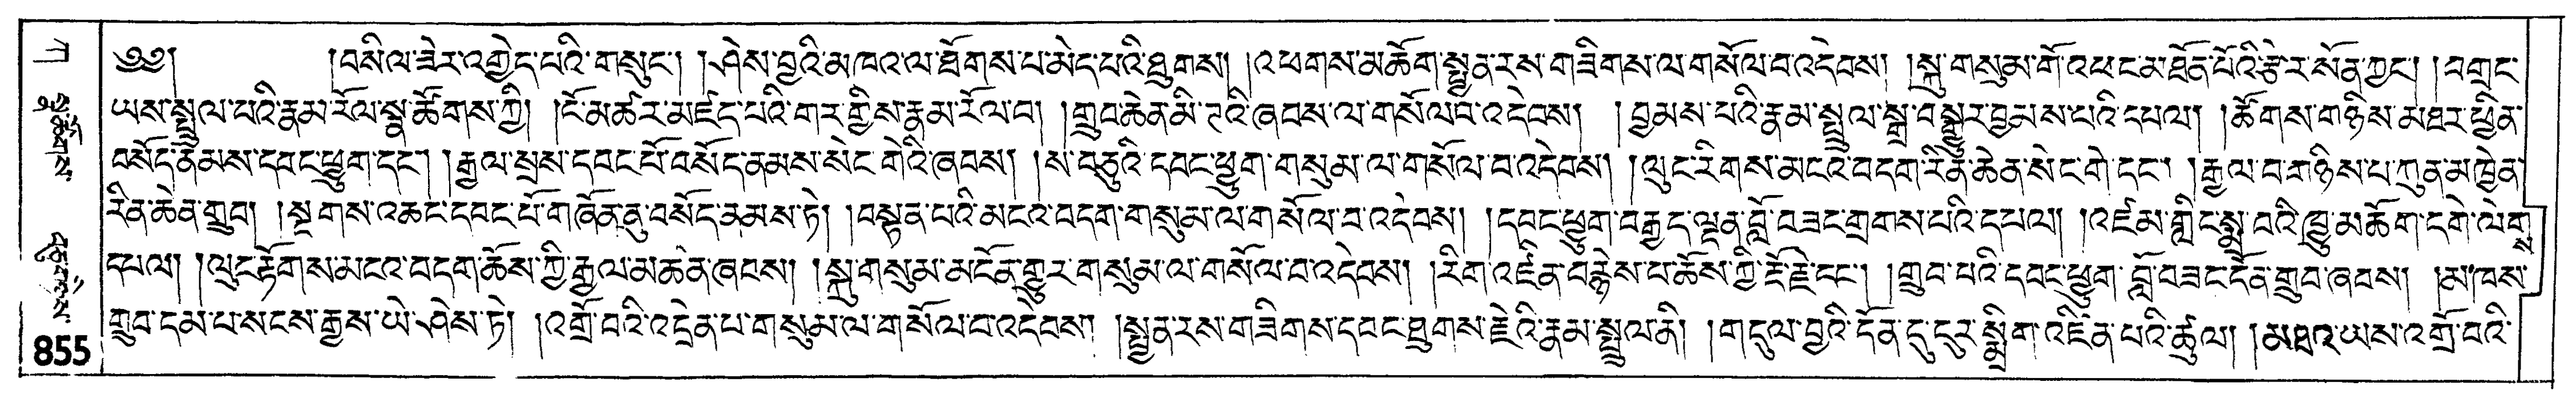༄༅། །བསིལ་ཟེར་འགྱེད་པའི་གསུང་། །ཤེས་བྱའི་མཁའ་ལ་ཐོགས་པ་མེད་པའི་ཐུགས། །འཕགས་མཆོག་སྤྱན་རས་གཟིགས་ལ་གསོལ་བ་འདེབས། །སྐུ་གསུམ་གོ་འཕང་མཐོན་པོའི་རྩེར་སོན་ཀྱང་། །བགྲང་
ཡས་སྤྲུལ་པའི་རྣམ་རོལ་སྣ་ཚོགས་ཀྱི། །ངོ་མཚར་མཛད་པའི་གར་གྱིས་རྣམ་རོལ་བ། །གྲུབ་ཆེན་མི་ཊའི་ཞབས་ལ་གསོལ་བ་འདེབས། །བྱམས་པའི་རྣམ་སྤྲུལ་སྒྲ་བསྒྱུར་བྱམས་པའི་དཔལ། །ཚོགས་གཉིས་མཐར་ཕྱིན་
བསོད་ནམས་དབང་ཕྱུག་དང་། །རྒྱལ་སྲས་དབང་པོ་བསོད་ནམས་སེང་གེའི་ཞབས། །ས་བཅུའི་དབང་ཕྱུག་གསུམ་ལ་གསོལ་བ་འདེབས། །ལུང་རིགས་མངའ་བདག་རིན་ཆེན་སེང་གེ་དང་། །རྒྱལ་བ་གཉིས་པ་ཀུན་མཁྱེན་
རིན་ཆེན་གྲུབ། །སྔགས་འཆང་དབང་པོ་གཞོན་ནུ་བསོད་ནམས་ཏེ། །བསྟན་པའི་མངའ་བདག་གསུམ་ལ་གསོལ་བ་འདེབས། །དབང་ཕྱུག་བརྒྱད་ལྡན་བློ་བཟང་གྲགས་པའི་དཔལ། །འཛམ་གླིང་སྨྲ་བའི་ཁྱུ་མཆོག་དགེ་ལེགས་
དཔལ། །ལུང་རྟོགས་མངའ་བདག་ཆོས་ཀྱི་རྒྱལ་མཚན་ཞབས། །སྐུ་གསུམ་མངོན་གྱུར་གསུམ་ལ་གསོལ་བ་འདེབས། །རིག་འཛིན་བརྙེས་པ་ཆོས་ཀྱི་རྡོ་རྗེ་དང་། །གྲུབ་པའི་དབང་ཕྱུག་བློ་བཟང་དོན་གྲུབ་ཞབས། །མཁས་
གྲུབ་དམ་པ་སངས་རྒྱས་ཡེ་ཤེས་ཏེ། །འགྲོ་བའི་འདྲེན་པ་གསུམ་ལ་གསོལ་བ་འདེབས། །སྤྱན་རས་གཟིགས་དབང་ཐུགས་རྗེའི་རྣམ་སྤྲུལ་ནི། །གདུལ་བྱའི་དོན་དུ་ངུར་སྨྲིག་འཛིན་པའི་ཚུལ། །མཐའ་ཡས་འགྲོ་བའི་